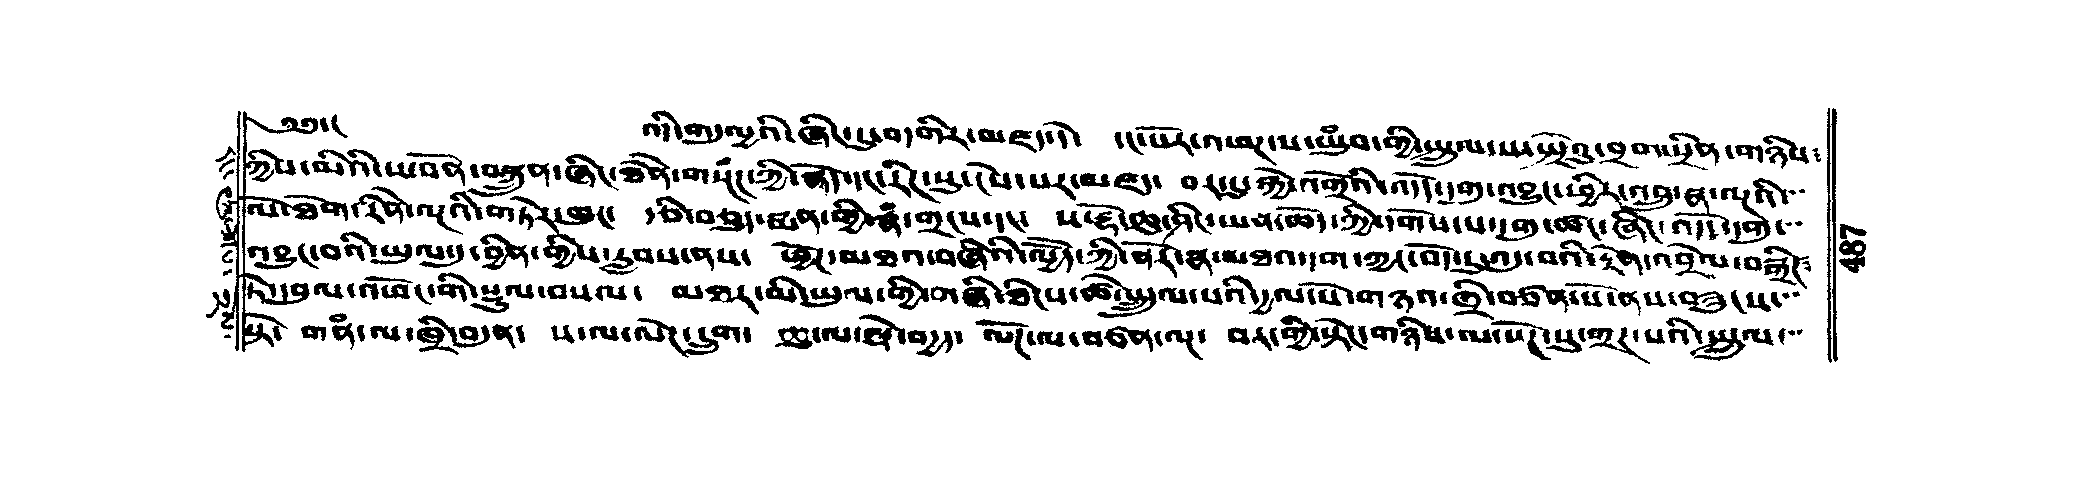འདི་གདུལ་བྱའི་ཞིང་དུ་བདག་གིར་མཛད་དེ། དང་པོར་འཕགས་པ་ཡབ་ཡུམ་གྱི་སྤྲུལ་པ་སྤྲེའུ་དང་བྲག་སྲིན་གཉིས་
ཀྱིས་མིའི་ས་བོན་བསྐྲུན་ཞིང་ཐེག་ཆེན་གསང་སྔགས་ཀྱི་སྣོད་དང་རིགས་སུ་ངེས་པར་མཛད། བར་དུ་སྐྱེ་འགྲོའི་འདོད་དགུ་འབྱུང་ཕྱིར་འབྲུ་སྣ་ལྔའི་
ལོ་ཐོག་རིན་ཆེན་ལྔའི་གཏེར་ཁུང་། རྩི་བཅུད་སྨན་གྱི་རྣམ་གྲངས་དང་། ས་རྡོ་ཆུ་ཤིང་ཡན་ཆོད་ཀྱི་དགོས་པ་དགུ་ཚང་ཞིང་འདོད་དགུ་
འབྱུང་བའི་ཡུལ་དུ་བྱིན་གྱིས་བརླབས་ནས། ཕྱོགས་མཐའ་བཞིའི་ལོངས་སྤྱོད་ཀྱི་ནོར་སྣ་མཐའ་དག་ཀྱང་བོད་དུ་འདུ་བའི་རྟེན་འབྲེལ་བསྒྲིགས་
ཏེ་དབུལ་འཕོང་གི་སྡུག་བསྔལ་བསལ། མཐར་མི་ཡུལ་གྱི་གཞི་ཐིངས་ཚེ་སྤྲུལ་པའི་རྒྱལ་པོ་གཉའ་ཁྲི་བཙན་པོ་ནས་བཟུང་
སྟེ། གནམ་ལ་ཁྲི་བདུན། ས་ལ་ལེགས་དྲུག ཆུ་ལ་སྡེ་བརྒྱད། ལོགས་ལ་བཙན་ལྔ་། བར་གྱི་སྟེང་གཉིས་ལ་སོགས་སུ་གྲགས་པའི་སྤྲུལ་